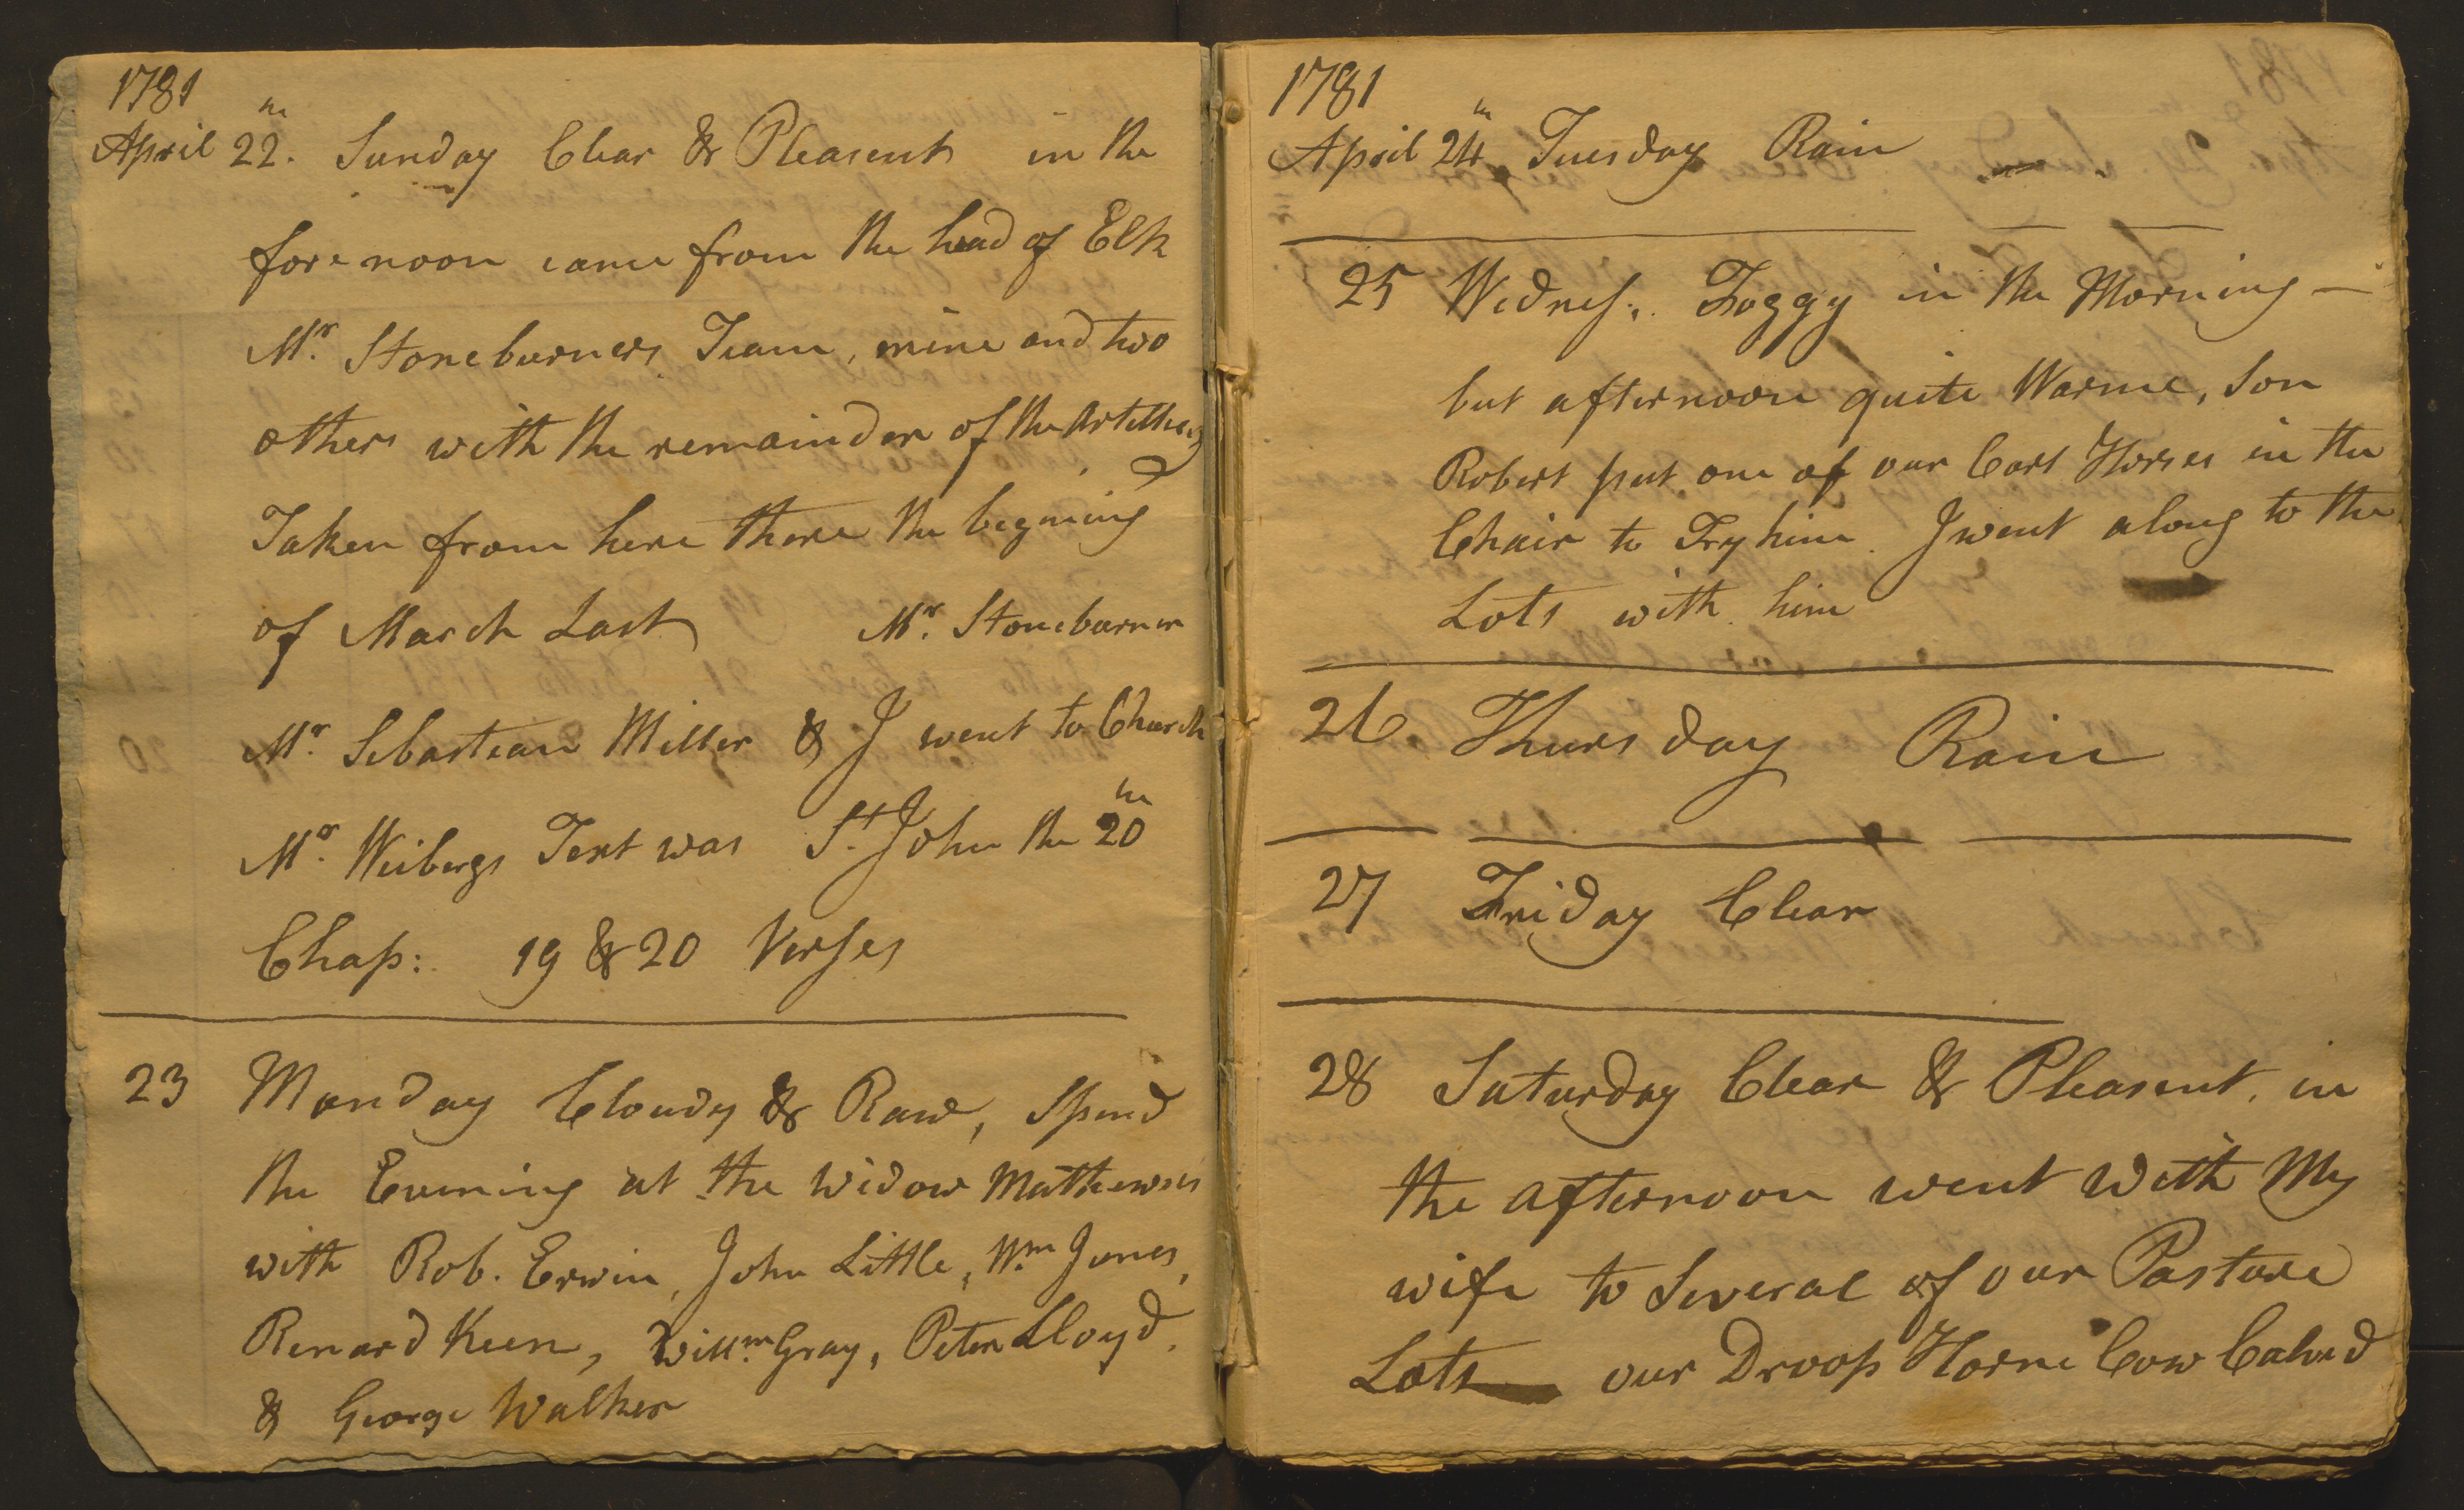1781
April 22^th. Sunday Clear & Pleasent in the
forenoon came from the head of Elk
M^r. Stoneburners Team, mine and two
others with the remainder of the Articles
Taken from here there the beginning
of March Last
M^r. Stoneburner
M^r. Sebastian Miller & I went to Church
M^r. Weibergs Text was S^t. John the 20th
Chap: 19 & 20 Verses
23 Manday Cloudy & Raw, Spend
the Evening at the Widow Mathewses
with Rob. Erwin John Little, W^m. Jones
Renard Kun, Will^m Gray, Peter Lloyd
& George Walker
1781
April 24^th Tuesday Rain
25 Wednes. Foggy in the Morning-
but afternoon quite Warme, Son
Robert put one of our Cart Horses in thee
Chair to Try him I went along to the
Lots with him
26. Thursday Rain
27 Friday Clear
28 Saturday Clear & Pleasent, in
the afternoon went with My
wife to several of our Pasture
Lots- our Droop Horne Cow Calved